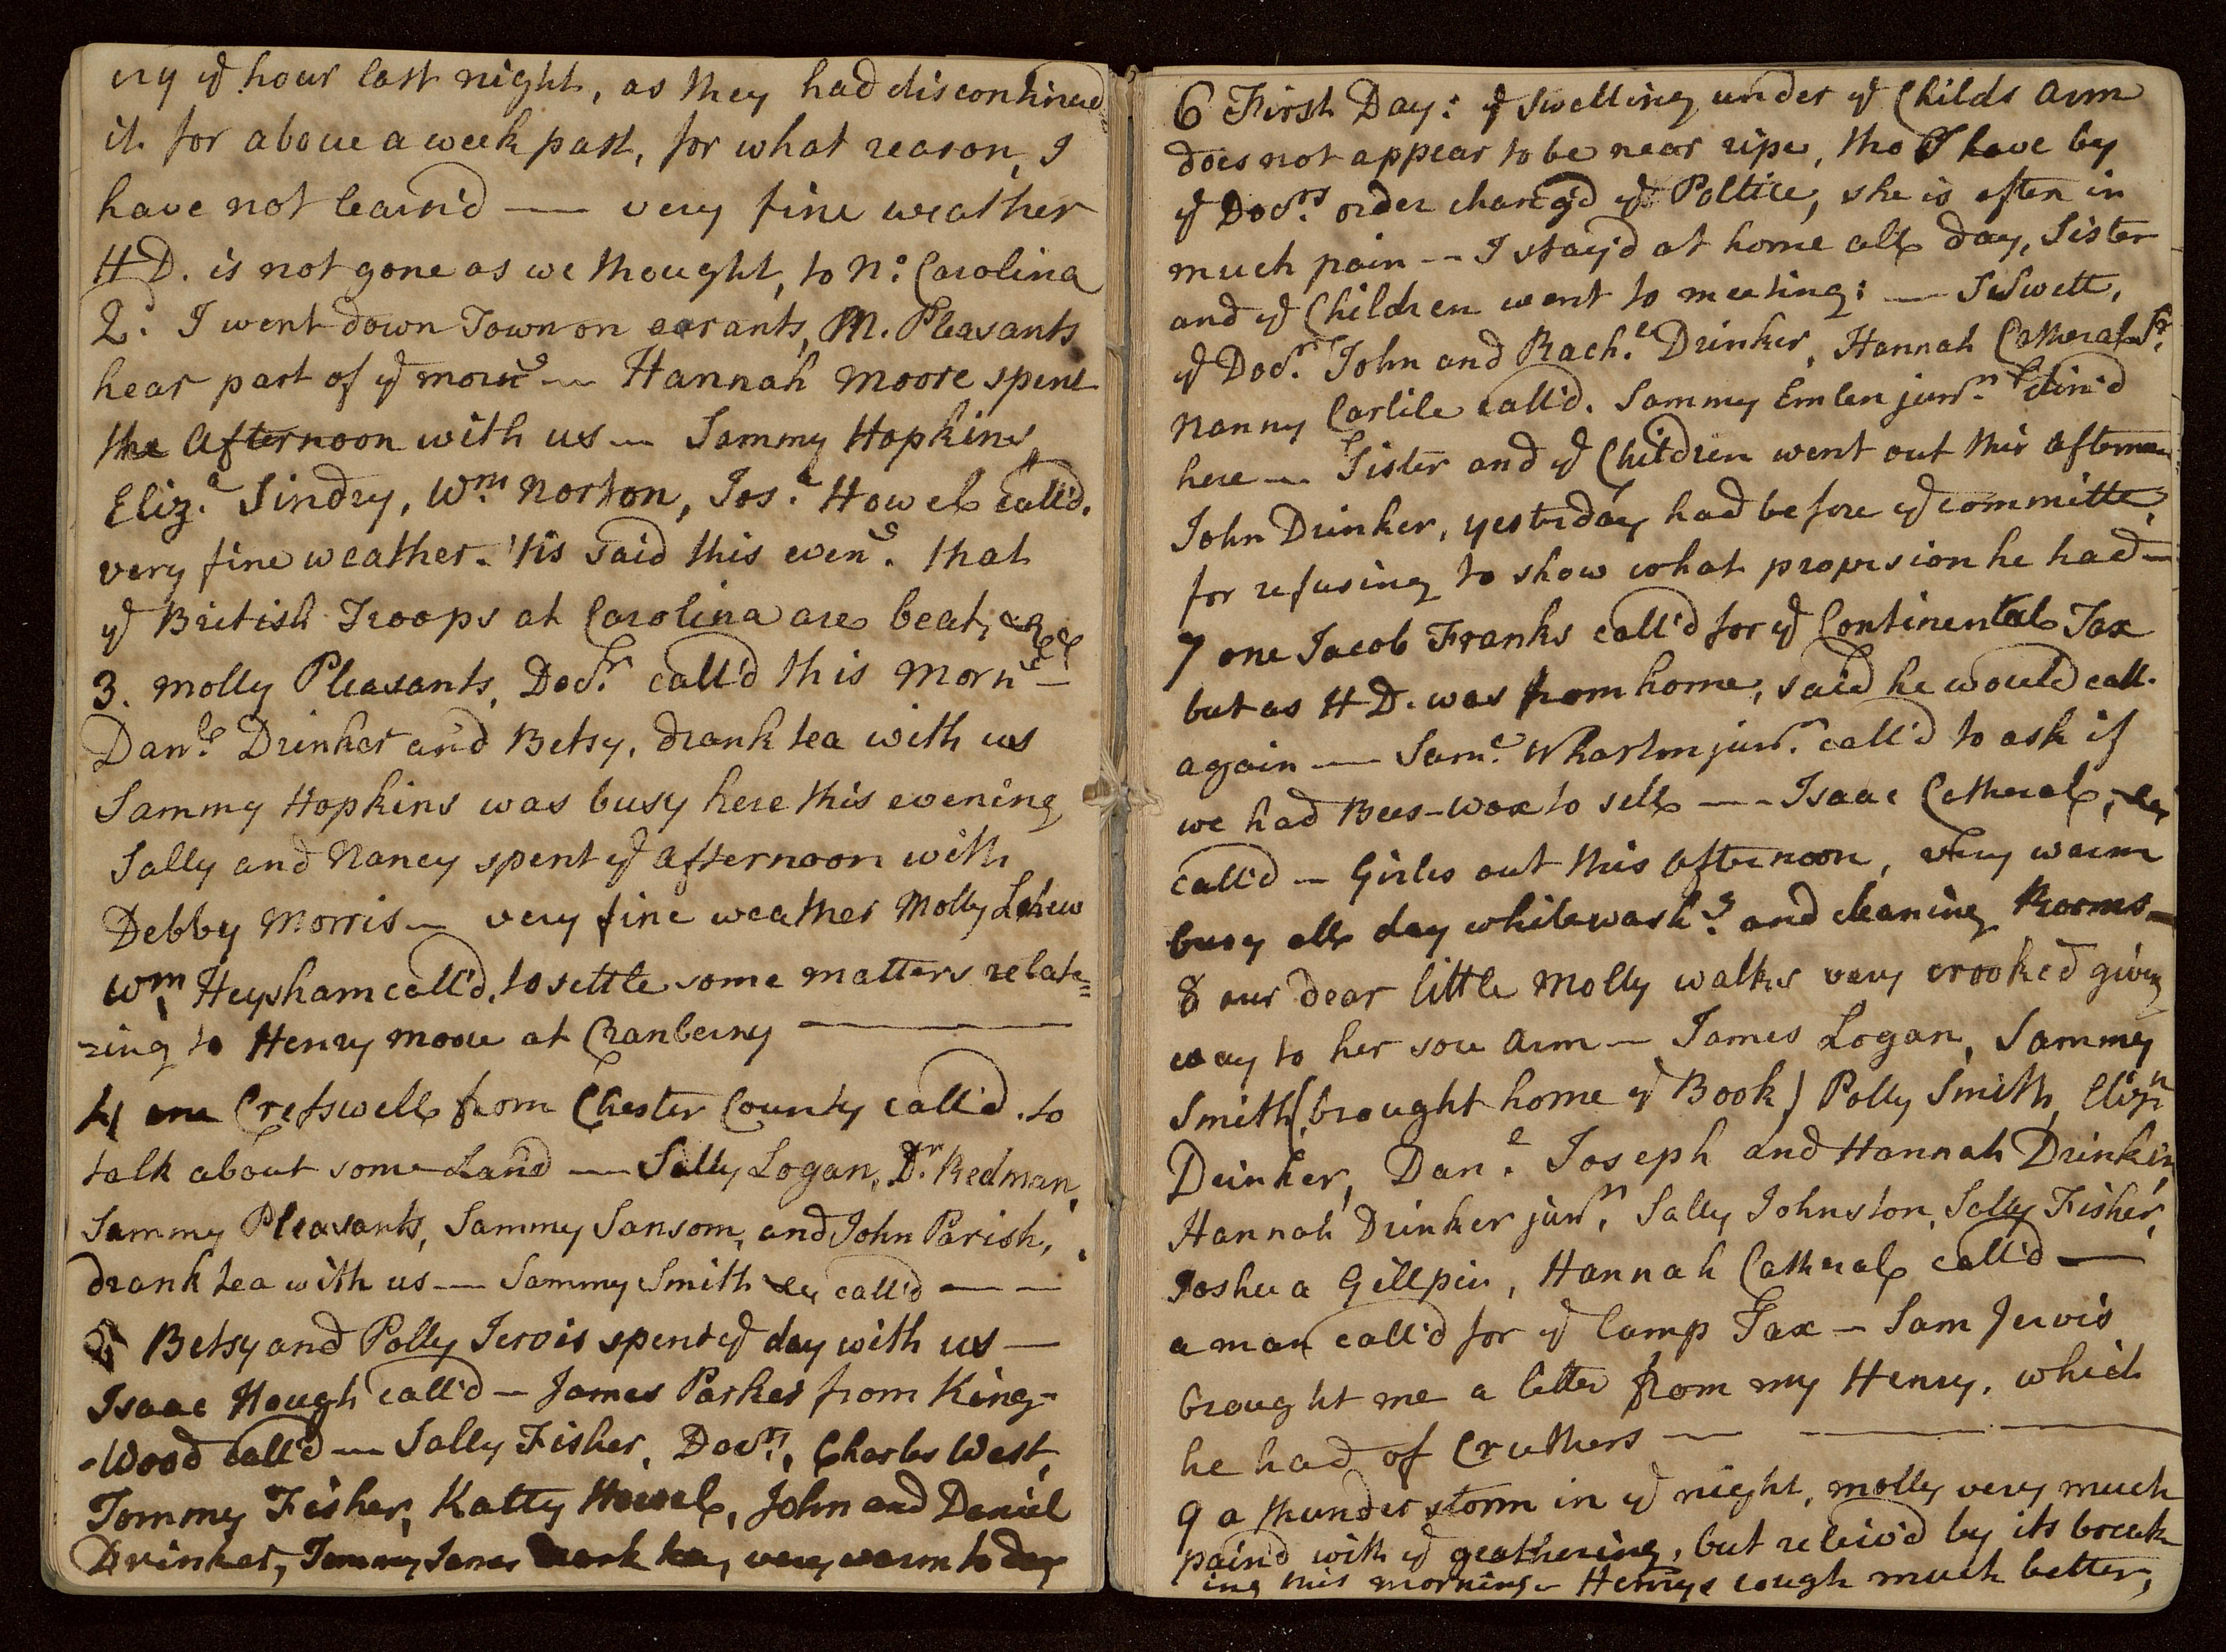cry y^e hour last nights, as they had discontinud
it for above a week past, for what reason, I
have not learn'd- very fine weather
HD. is not gone as we thought, to N^o. Carolina
2^d. I went down Town on earants, M. Pleasants
hear part of y^e morn^g- Hannah Moore spent
the Afternoon with us- Sammy Hopkins
Eliz^a. Sindry, W^m. Norton, Jos^a. Howel call'd,
very fine weather- 'tis said this even^g. that
y^e British Troops at Carolina are beat, &c
3. Molly Pleasants, Doc^r call'd this morn^g-
Dan^l. Drinker and Betsy, drank tea with us
Sammy Hopkins was busy here this evening
Sally and Nancy spent y^e afternoon with
Debby Morris- very fine weather Molly Lshew
W^m. Heysham call'd, to settle some matters, relate-
-ing, to Henry Moore at Cranberry-
4 one Cresswell from Chester County call'd to
talk about some Land- Sally Logan, D^r. Redman,
Sammy Pleasants, Sammy Sansom, and John Parish,
drank tea with us- Sammy Smith &c call'd--
5 Betsy and Polly Jervis spent y^e day with us-
Isaac Hough call'd- James Parker from King-
Wood call'd- Sally Fisher, Doc^rs., Charles West,
Tommy Fisher, Katty Howel, John and Daniel
Drinker, Tommy Jones drank tea, very warm to day
6 First Day: y^e swelling under y^e Childs arm
does not appear to be near ripe, tho I have by
y^e Doc^rs. order chang'd y^e Poltice, she is often in
much pain-- I stay'd at home all day, Sister
and y^e Children went to meeting:- S. Swett,
y^e Doc^r. John and Rach^l. Drinker, Hannah Catheral S^r.
Nanny Carlile call'd. Sammy Emlen jun^r. din'd
here- Sister and y^e Children went out this afternoon
John Drinker, yesterday had before y^e committe,
for refusing to show what provision he had-
7 one Jacob Franks call'd for y^e Continental Tax
but as HD. was from home, said he would call.
again- Sam^l. Wharton jun^r. call'd to ask if
we had Bees-Wax to sell- Isaac Catheral, &c
call'd- Girles out this afternoon, very warm
busy all day whitewash^g. and cleaning Rooms-
8 our dear little Molly walks very crooked giving
way to her sore arm- James Logan, Sammy
Smith (brought home y^e Book) Polly Smith, Eliz^a.
Drinker, Dan^l. Joseph and Hannah Drinker,
Hannah Drinker jun^r. Sally Johnston, Sally Fisher,
Joshua Gillpin, Hannah Catheral call'd-
a man call'd for y^e Camp Tax- Sam Jervis
brought me a letter from my Henry, which
he had of Cruthers-
9 a thunderstorm in y^e night, Molly very much
pain'd with y^e geathening, but releiv'd by its break
ing mis morning- Henrys cough much better,